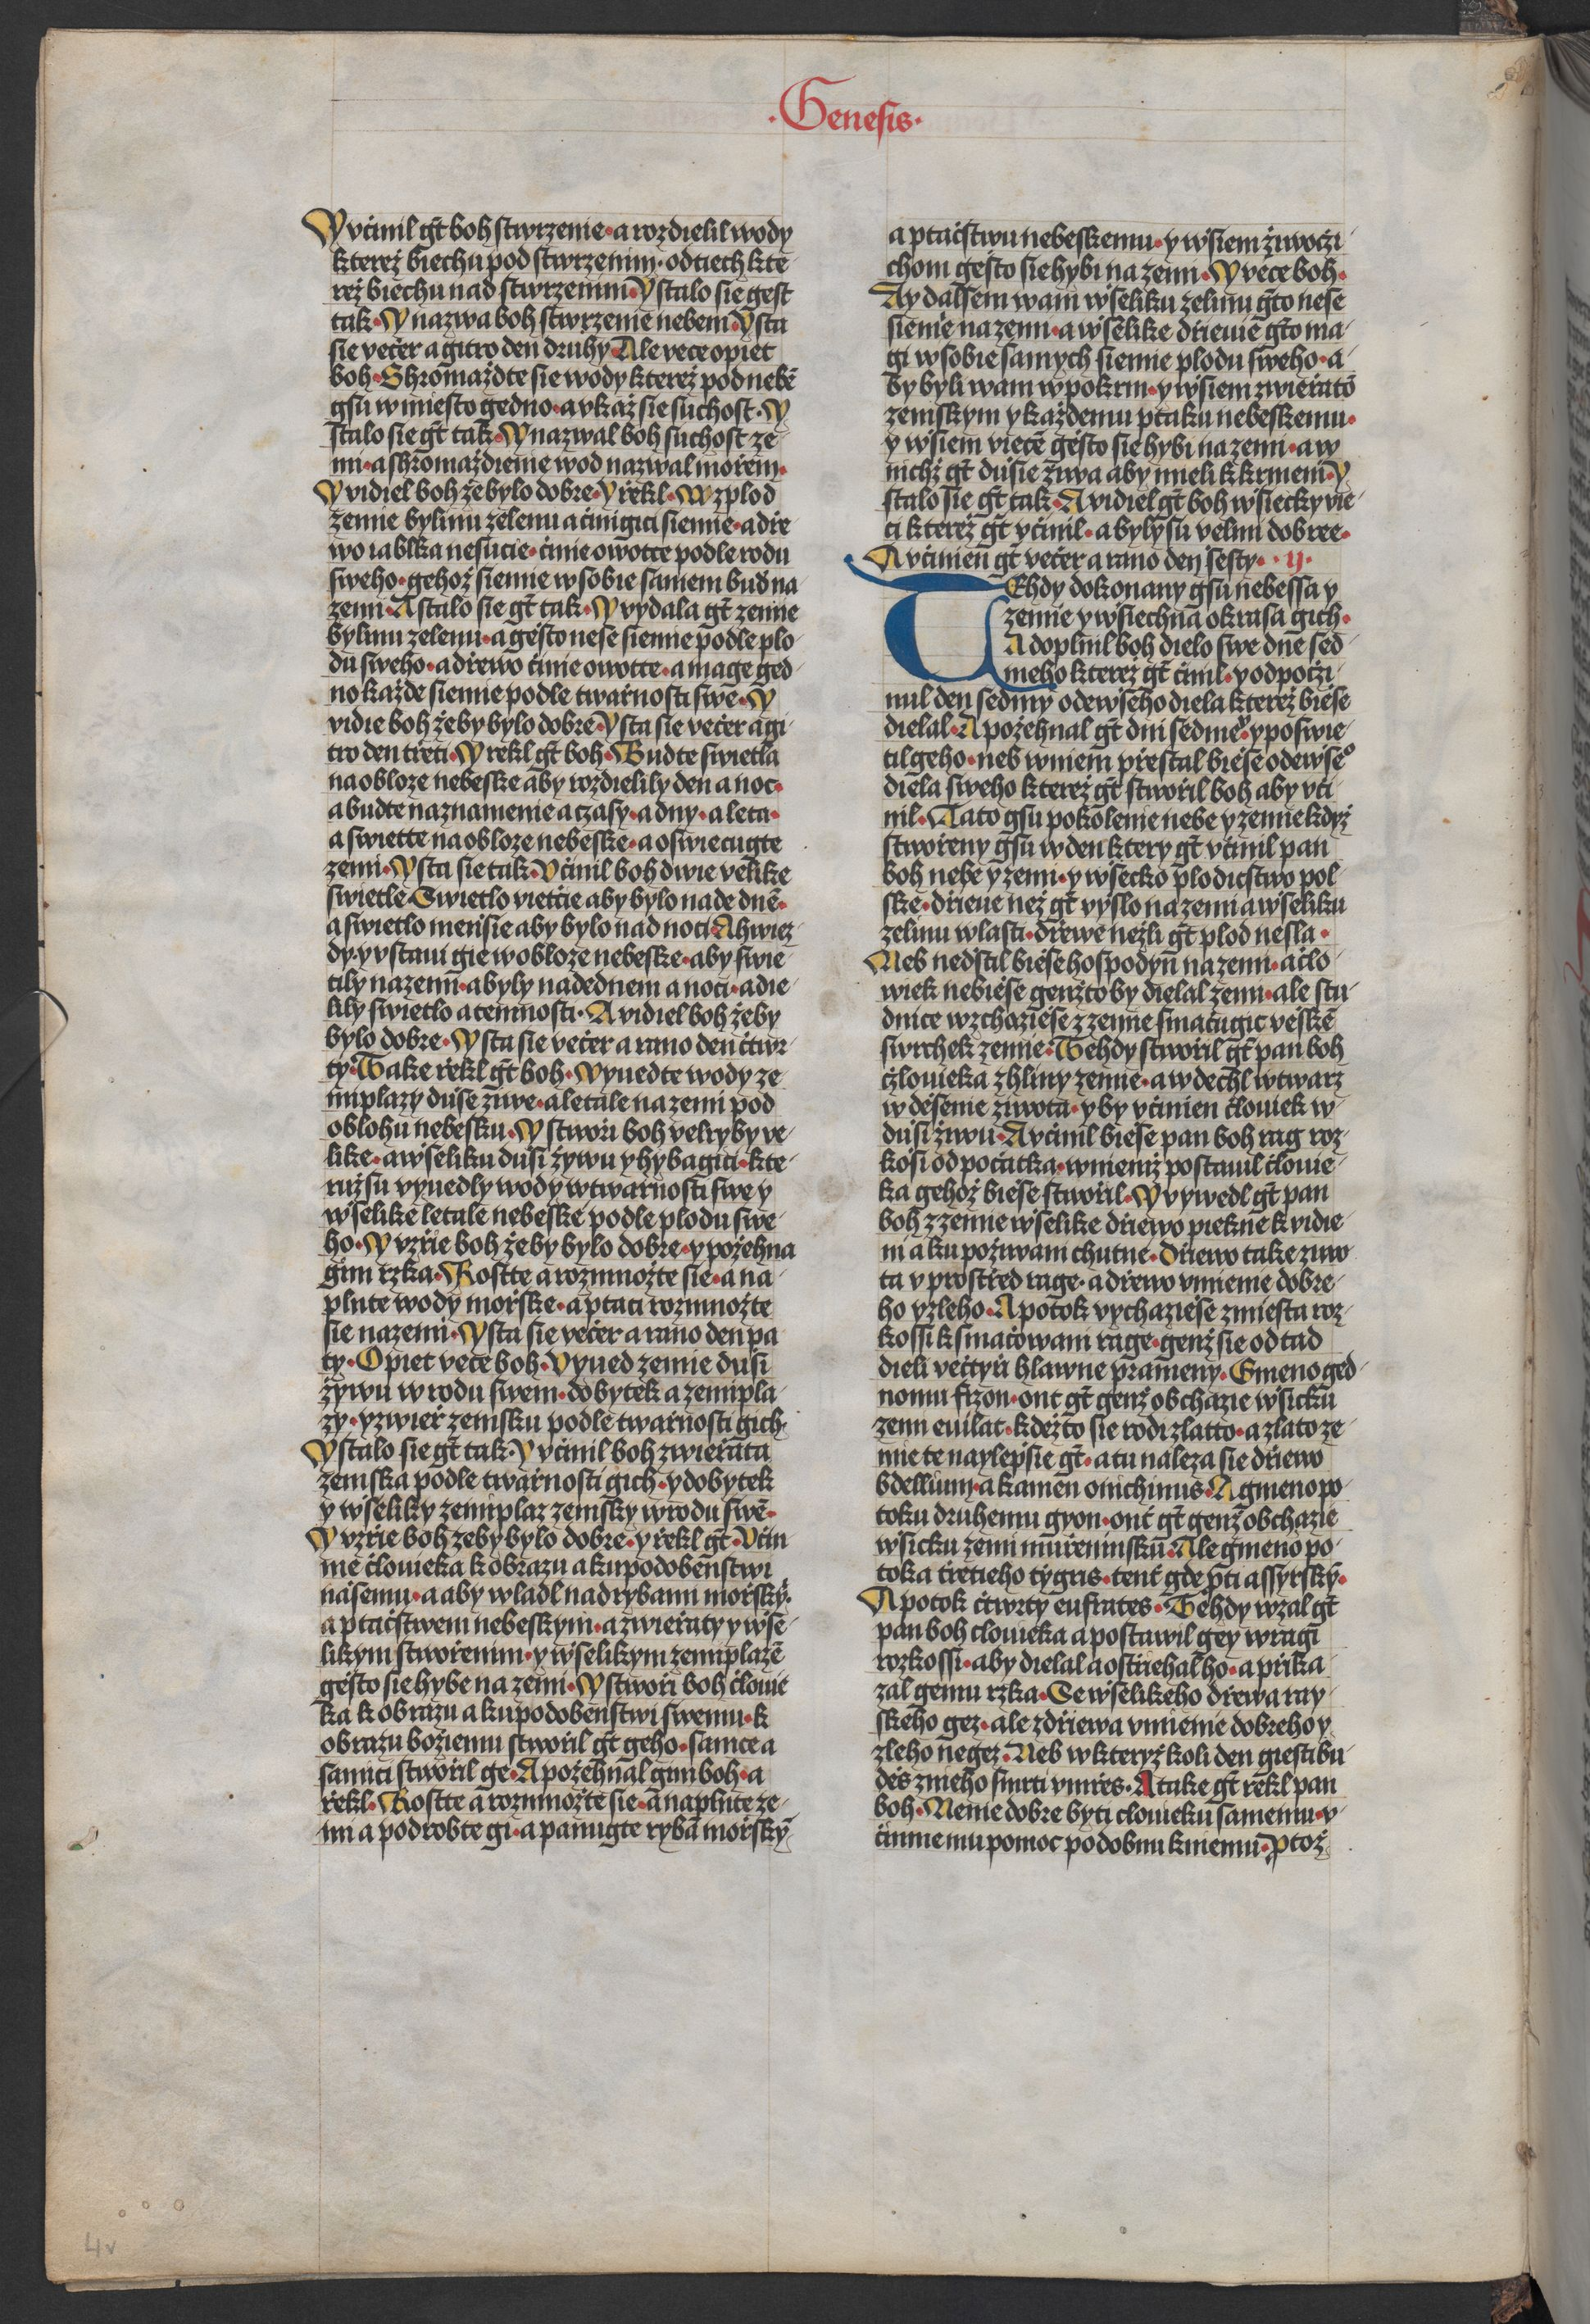.Geneſis.
Yvċiníl ḡt boh ſtwrzenie.a rozdielil wody
ktereż biechu podſtwrzenim. odtiech kte¬
reż biechu nad ſtwrzením.Yſtalo ſie geſt
tak.Y nazwa boh ſtwrzeníe nebem. Yſta
ſíe veċer a gitro den druhy.Ale vece opiet
boh.Shromaždte ſie wody ktereż pod nebē
gſu w mieſto gedno.a vkaż ſie ſuchoſt.Y
ſtalo ſie ḡt tak.Ynazwal boh ſuchoſt ze¬
mi.aſhromażdienie wod nazwal moṙem.
Y vidiel boh żebylo dobre.Y ṙekl.Wzplod
zemie bylinu zelenu a ċínígicí ſíemie.a dṙe¬
wo iablka neſucie.ċiníe owotce podle rodu
ſweho.gehoż ſíemíe wſobie ſamen buḋ na¬
zemi.Aſtalo ſie ḡt tak.Y vydala ḡt zemie
bylinu zelenu.a geẛto neſe ſiemie podle plo¬
du ſíveho.a dṙewo ċíníe owotce.a mage ged¬
no każde ſiemie podle twaṙnoſti ſwe.Y
vidie boh żeby bylo dobre.Vſta ſíe veċer agí¬
tro den tṙetí.Y rekl ḡt boh.Budte ſwietla
naobloże nebeſke aby rozdielily den a noc.
a budte naznamenie a czaſy.a dny.a leta.
a ſwiette na obloze nebeſke.a oſwiecugte
zemi.Vſta ſietak.Vċínil boh dwie velike
ſwietle Swietlo vietċie aby bylo nade dnē.
a ſwietlo menẛíe aby bylo nad nocí.Ahwiez¬
dy.yvſtaní gie w obloze nebeſke.aby ſivie¬
tily nazemí.abyly nadednem a nocí.adie¬
lily wietlo a temnoſtí. A vidiel boh żeby
bylo dobre.Y ſta ſie veċer a rano den ċtwr¬
ty.Take ṙekl ḡt boh.Vyuedte wody ze¬
míplazy duẛe zíwe.aletale na zemi pod
oblohu nebeſku.Y ſtwoṙi boh velryby ve¬
like.awẛeliku duẛí żywu yhybagití.kte¬
ruż ſu vyuedly wody wtwarnoſtí ſwe y
wẛelike letale nebeſké podle plodu ſwe¬
ho.Y vzṙie boh żeby bylo dobre.y pożehna
gim rzka.Roſtte a rozmnożte ſie.a na¬
plnte wody moṙſke.a ptaci rozmnożte
ſie nazemi.Y ſta ſie veċer a rano den pa¬
ty. Opiet vece boh. Vyued zemie duẛi
żywu w rodu ſwem. dobytek a zemípla¬
zy.yzwieṙ zemſku podle twaṙnoſtí gích
Yſtalo ſie ḡt tak. Y vċinil boh zwieṙata
zemſka podle twaṙnoſtí gich. ydobytek
y wẛeliky zemiplaz zemſky wrodu ſwē.
Y vzṙie boh zeby bylo dobre.y ṙekl ḡt.Vċín¬
me ċlouíeka k obrazu akupodobenſtwí
naẛemu.a aby wladl nadrybamí moṙſkȳ.
a ptaċſtwem nebeſkym.a zwieṙaty y wẛe¬
likym ſtwoṙením. y wẛelikym zemiplazē
geẛto ſie hybe na zemí. Y ſtwoṙi boh ċlouíe¬
ka k obrazu a kupodobenſtwí ſwemu.k
obrazu bożiemu ſtwoṙil ḡt geho. ſamce a
samicí ſtwoṙil ge. A pożehnal gím boh. a
ṙekl.Roſtte a rozmnożte ſie.a naplnte ze¬
mí a podrobte gi.a panugte rybā moṙſkȳ
a ptaċſtwu nebeſkemu.y wẛíem żiwoċzi¬
chom geẛto ſíehybí na zemí. Y vece boh.
Ay dalſem wam wẛeliku zelinu ḡto neſe
ſienié na zemí.a wẛélike dṙíeuíe ḡto ma¬
gí wſobieſamych ſiemíe plodu ſweho.a¬
by bylí wam wpokrm. y wẛiem zwieṙatō
zemſkym y każdemu ptaku nebeſkemu.¬
y wẛíem viecē geẛto ſie hybi na zemí.a w¬
nichż ḡt duẛie żiwa aby mieli kkrmení. Y
ſtalo ſíe ḡt tak. A vidiel ḡt gſi boh wẛíeċky vie¬
cí ktereż ḡt vċíníl.a byly ſu velmí dobree.
A vċiníen ḡt večer a rano den ẛeſty. .ij.
Ehdy dokonany gſu nebeſſa y
zemíe y wẛiechna okraſa gich.
A doplnil boh dielo ſwe dne ſéd¬
meho ktereż ḡt ċíníl.yodpoċzi¬
nul den ſedmy odewẛeho diela kterež bieẛe
dielal. A pożehnal ḡt dní ſedmev.ypoſwie¬
til geho.neb wníem pṙeſtal bieẛe odewẛeo
diela ſweho ktereż ḡt ſtwoṙil boh aby vċí¬
níl.Tato gſu pokolenie nebe y zemíe kdyż
ſtwoṙeny gſu w den který ḡt vċiníl pan
boh nebe y zemi.y wẛecko plodicſtwo pol¬
ſke. dṙiue neż ḡt vyẛlo na zemí a wẛeliku
zelinu wlaſtí.dṙewé neżli ḡt plod neſla.
Neb nedẛtil bieẛe hoſpodyn na zemí. aċlo¬
wiek nebieẛe genżto by dielal zemí.ale ſtu¬
dníce wzchazieẛe z zemie ſinaċugíc veẛkē
ſwrchek zemíe.Tehdy ſtwoṙil ḡt pan boh
ċzlouieka z hlíny zemie.a wdechl wtwarz
w deẛeníe zíwota. yby vċinien ċlouíek w¬
dui żiwu. A vċinil bieẛe pan boh rag roz¬
koẛí od poċatka. wníemż poſtauil ċlovíe¬
ka gehoż bíeẛe ſtwoṙil. Y vywedl ḡt pan
boh z zemíe wẛelike dṙiewo piekne k vidie¬
ní a ku pożiwaní chutné. Dṙiewo take ziwo¬
ta v proſtṙed rage.a dṙewo vmíeníe dobre¬
ho vzleho. A potok vychazieẛe zmíeſta roz¬
koſſi kſinaċowaní rage.genż ſie odtad
dielí veċtyṙi hlawne prameny.Gmeno ged¬
nomu fizon.ont ḡt genż obchazie wẛicku
zemi euílat. kdeżto ſie rodí zlatto.a zlato ze¬
zemie te naylepẛie ḡt.atu naleza ſie dřiewo
bdellium.a kamen onichinus. Ale gmeno po¬
toku druhemu gyon.ont ḡt genż obchazíe
wẛícku zemí muṙenínſku.Ale gmeno po¬
toka tṙetieho tygris.tenṫ gde ꝓti aſſyrſkȳ.
A potok ċtwrty eufrates.Tehdy wzal ḡt
pan boh clouieka a poſtawil gey wragi
rozkoſſi.aby dielal a oſtṙiehal ho.a pṙika¬
zal gemu rzka.Se wẛelikeho dṙewa ray¬
keho gez. ale zdṙiewa vmieníe dobreho y
zleho negez.Neb wkteryżkoli den gieſtibu¬
deṡ znieho ſmrtí vmṙeš. A take ḡt rekl pan
boh. Neníe dobre byti clouieku ſamemu.v¬
ċinine mu pomoc podobnu kniemu.Ꝓtoż